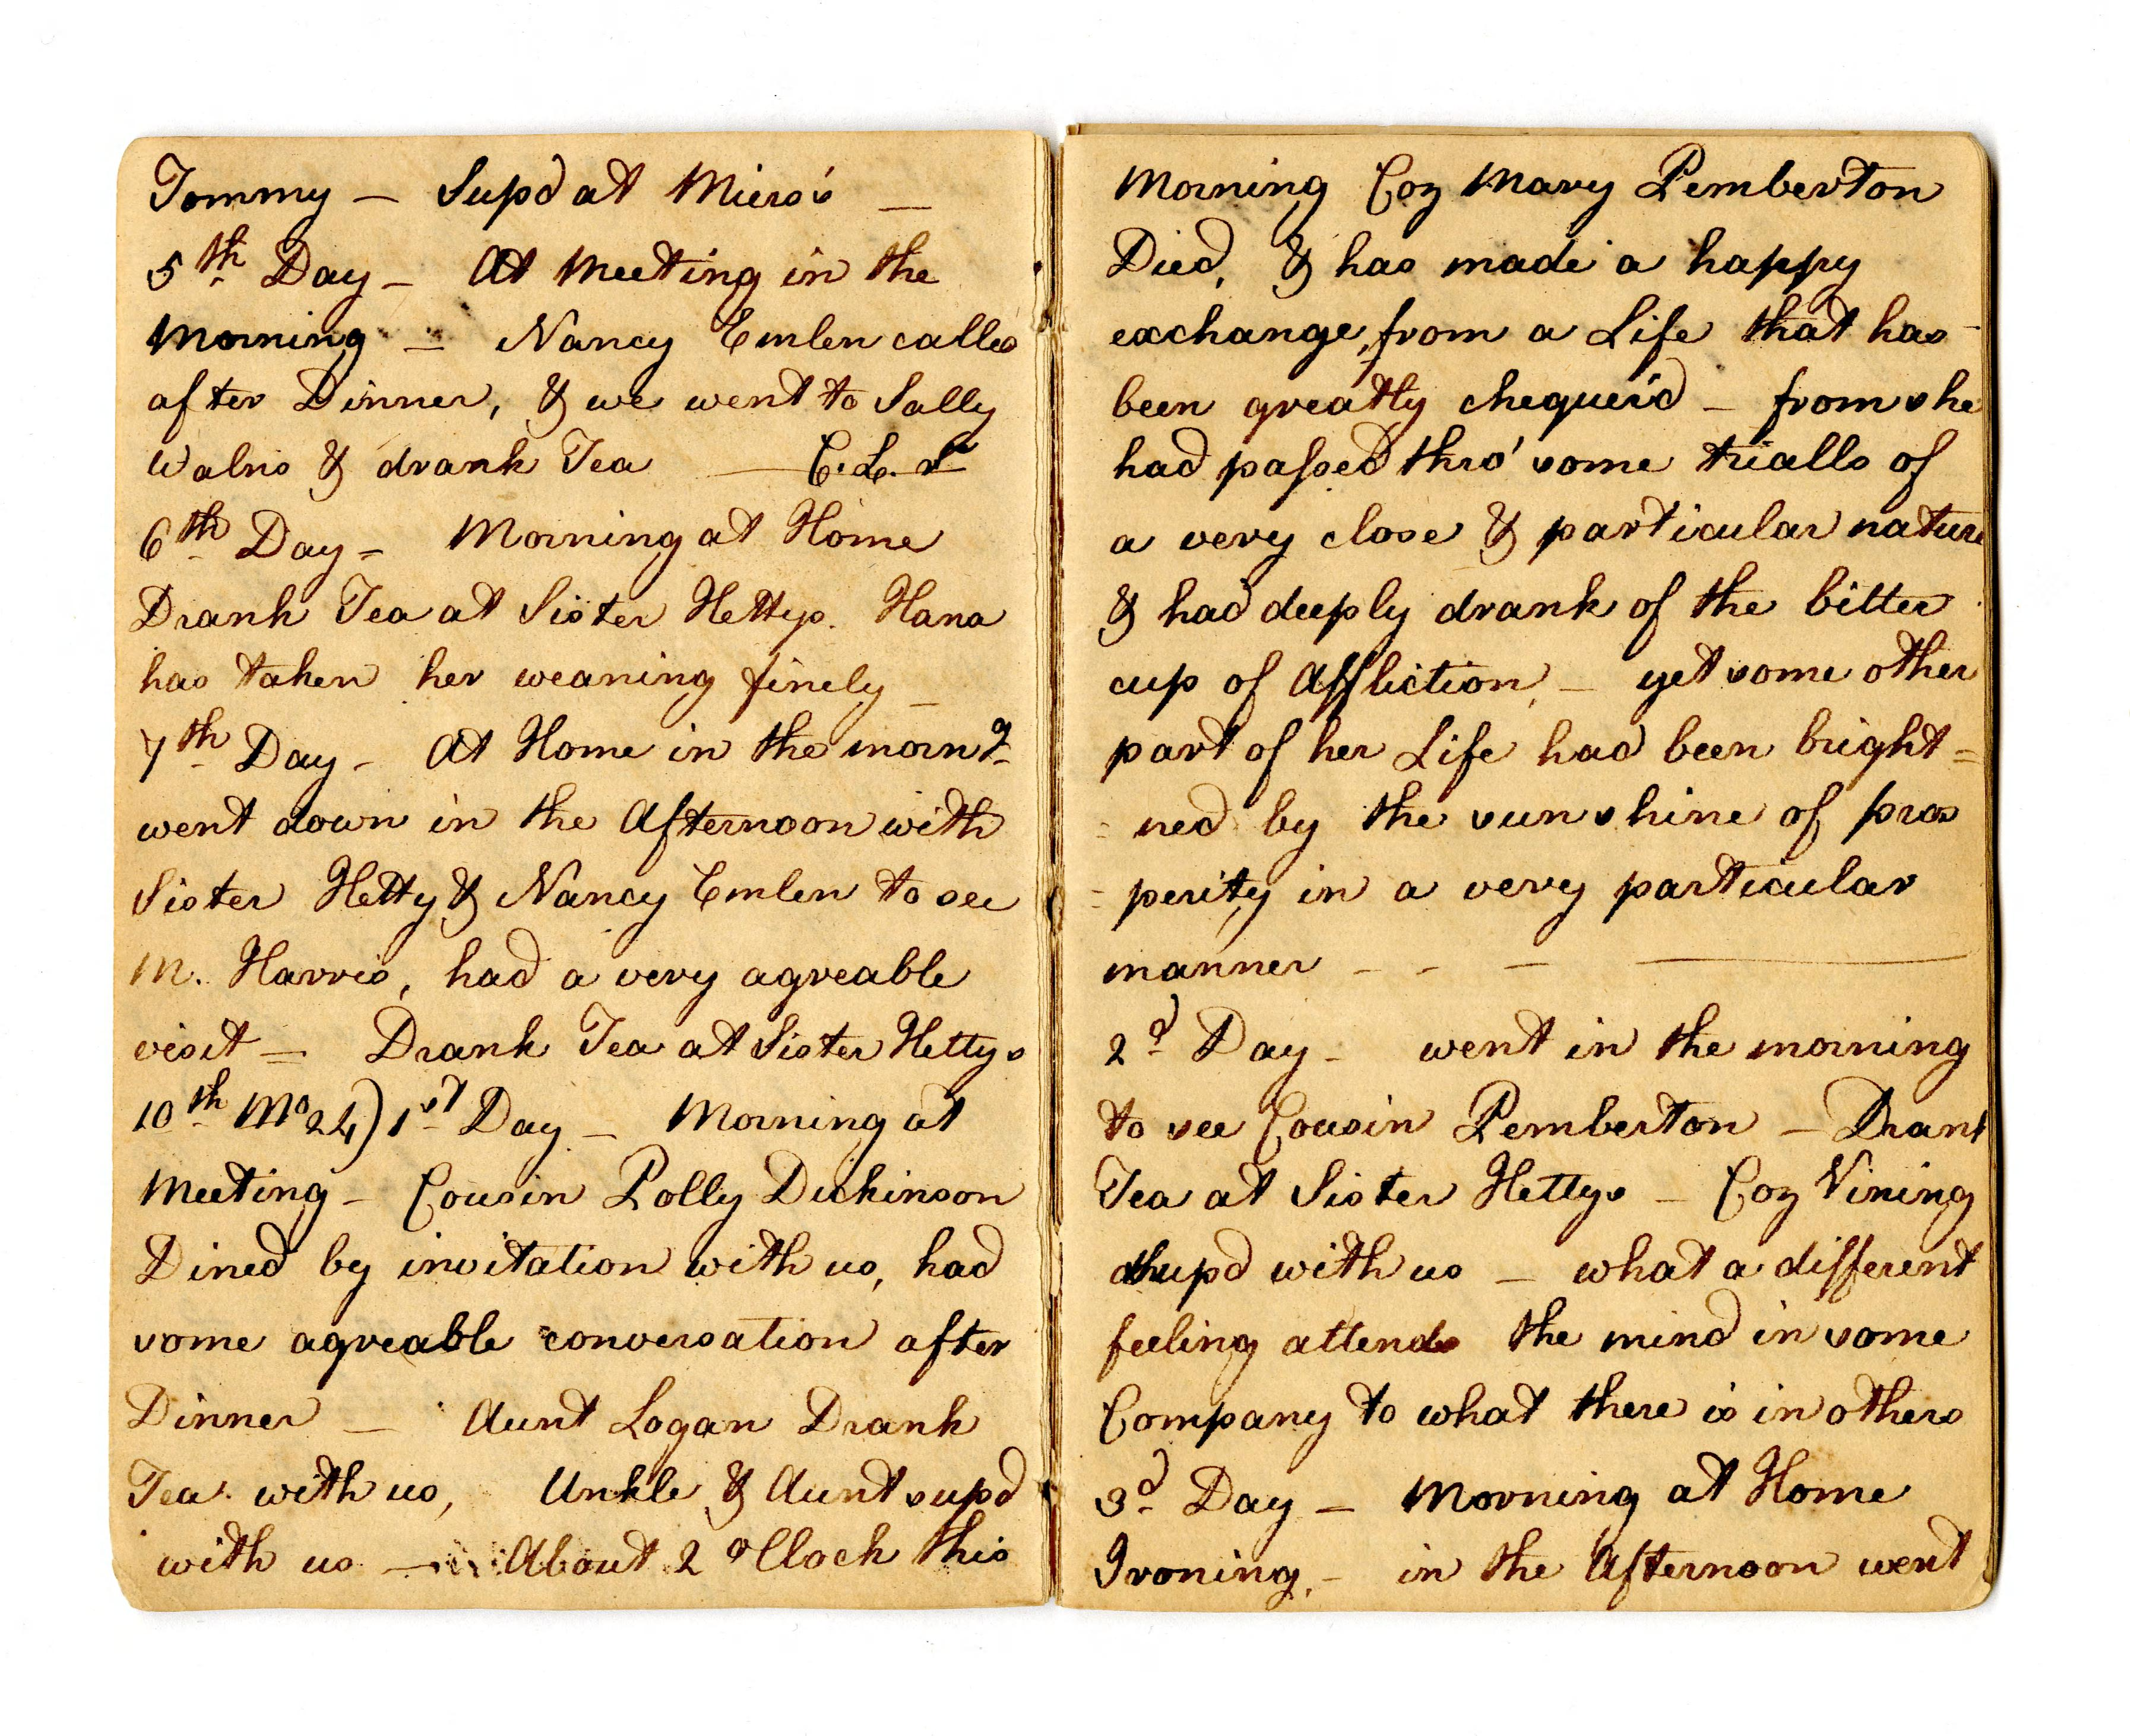Tommy- Supd at Miers's-
5^th Day- At Meeting in the
Morning - Nancy Emlen called
after Dinner, & we went to Sally
Walns & drank Tea- C. L. d
6^th Day- Morning at Home
Drank Tea at Sister Hettys. Hana
has taken her weaning finely
7^th Day- At Home in the morn^g
went down in the Afternoon with
Sister Hetty & Nancy Emlen to see
M. Harris, had a very agreable
visit- Drank Tea at Sister Hettys
10^th M^o 24) 1^st Day- Morning at
Meeting- Cousin Polly Dickinson
Dined by invitation with us, had
some agreable conversation after
Dinner- Aunt Logan Drank
Tea with us, Unkle & Aunt supd
with us- About 2 ^oClock this
Morning Coz Mary Pemberton
Died, & has made a happy
exchange, from a Life that has
been greatly chequer'd- from she
had passed thro' some trialls of
a very close & particular nature
& had deeply drank of the bitter
cup of Affliction- yet some other
part of her Life had been bright-
-ned by the sun shine of pros
-perity in a very particular
manner-
2^d Day- went in the morning
to see Cousin Pemberton- Drank
Tea at Sister Hettys- Coz Vining
Supd with us - what a different
feeling attends the mind in some
Company to what there is in others
3^d Day- Morning at Home
Ironing,- in the Afternoon went